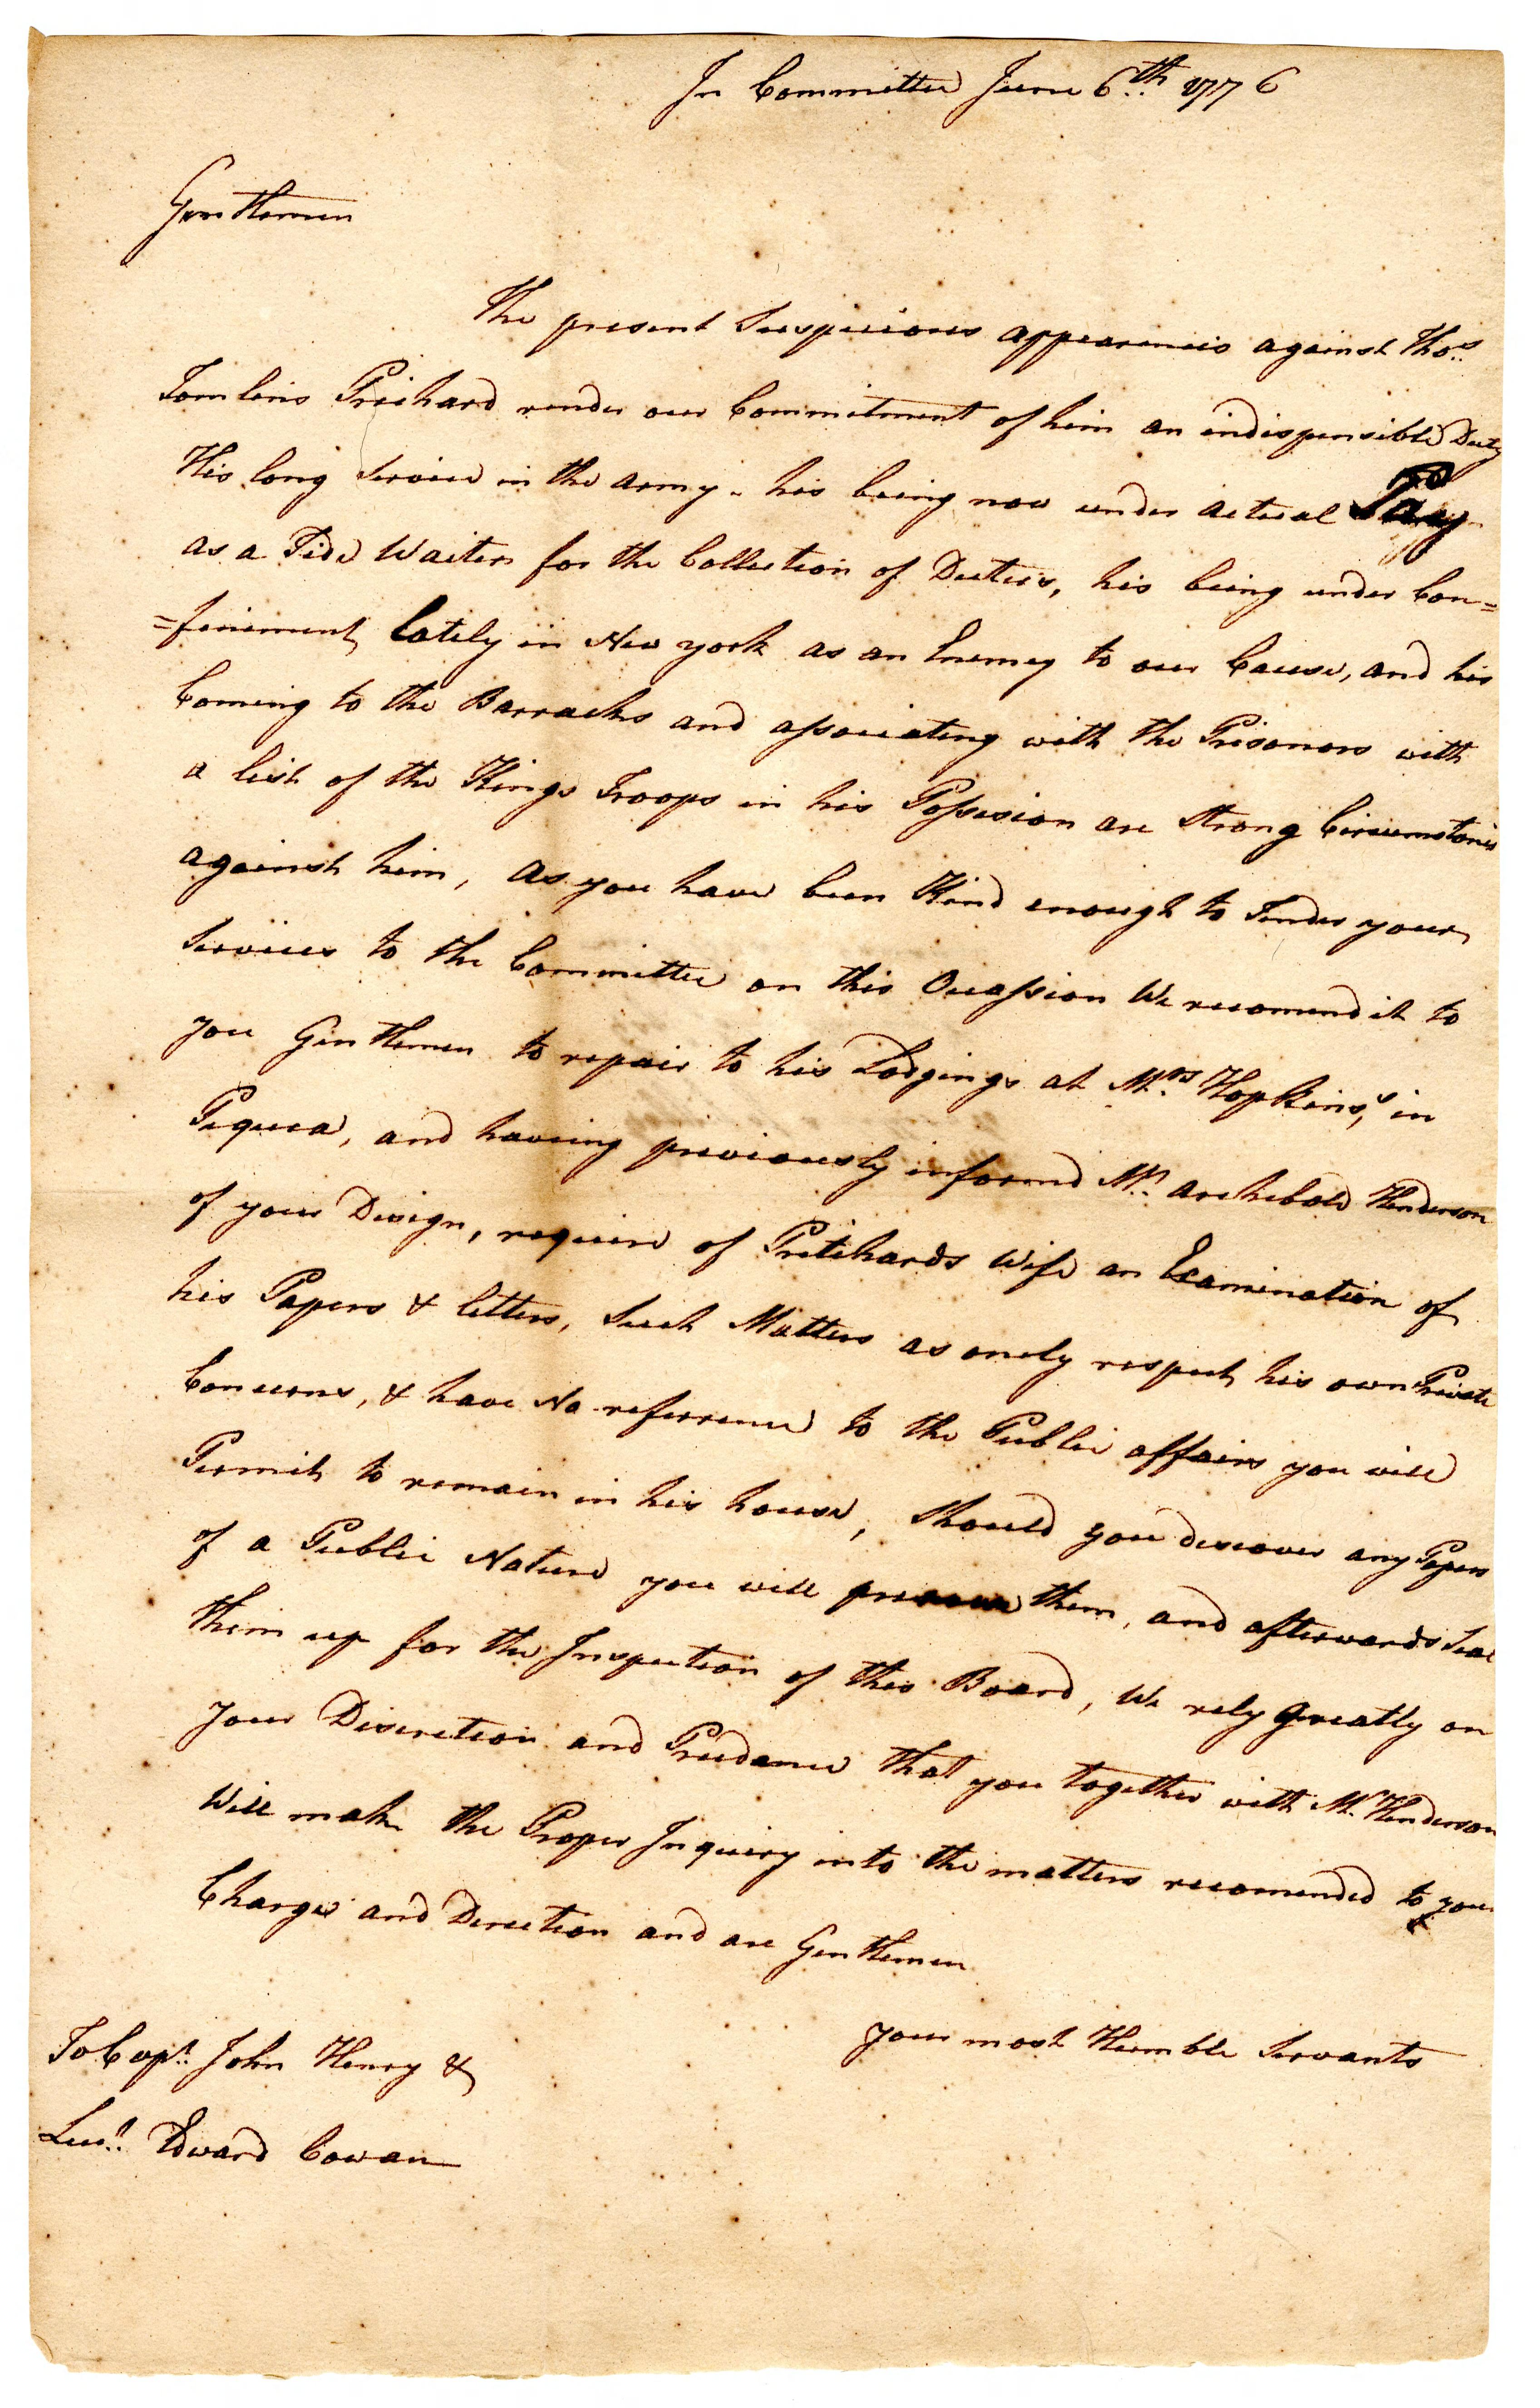In Committee June 6^th. 1776
Gentlemen
The present suspicious appearances against Tho^s.
Tomkins Prichard render our Commitment of him, an indispensible Duty
his long service in the army, his being now under actual Say
as a Tide Waiter for the Collection of Duties, his being under Con-
-finement lately in New York as an Enemy to our Cause, and his
Coming to the Barracks and associating with the Prisoners with
a list of the King's Troops in his Possesion are Strong Circumstances
against him. As you have been Kind enough to tender your
service to the Committee on this Occassion We recomend it to
you Gentlemen to repair to his Lodgings at M^rs. Hopkins^s, in
Pequea, and having previously inform'd M^r. Archibold Henderson
of your Design, require of Pritchards Wife an Examination of
his Papers & letters, Such Matters as only respect his own Private
Concerns, & have no referrence to the Public affairs you will
Permit to remain in his house, Should you discover any Papers
of a Public Nature you will procure them, and afterwards seal
them up for the Inspection of the Board. We rely greatly on
Your Discretion and Prudence that you together with M^r. Henderson
will make the Proper Inquiry into the matters recomended to your
Charge and Direction and are Gentlemen
Your most Humble Servants
To Cap^t. John Henry &
Lieu^t. Edward Cowan